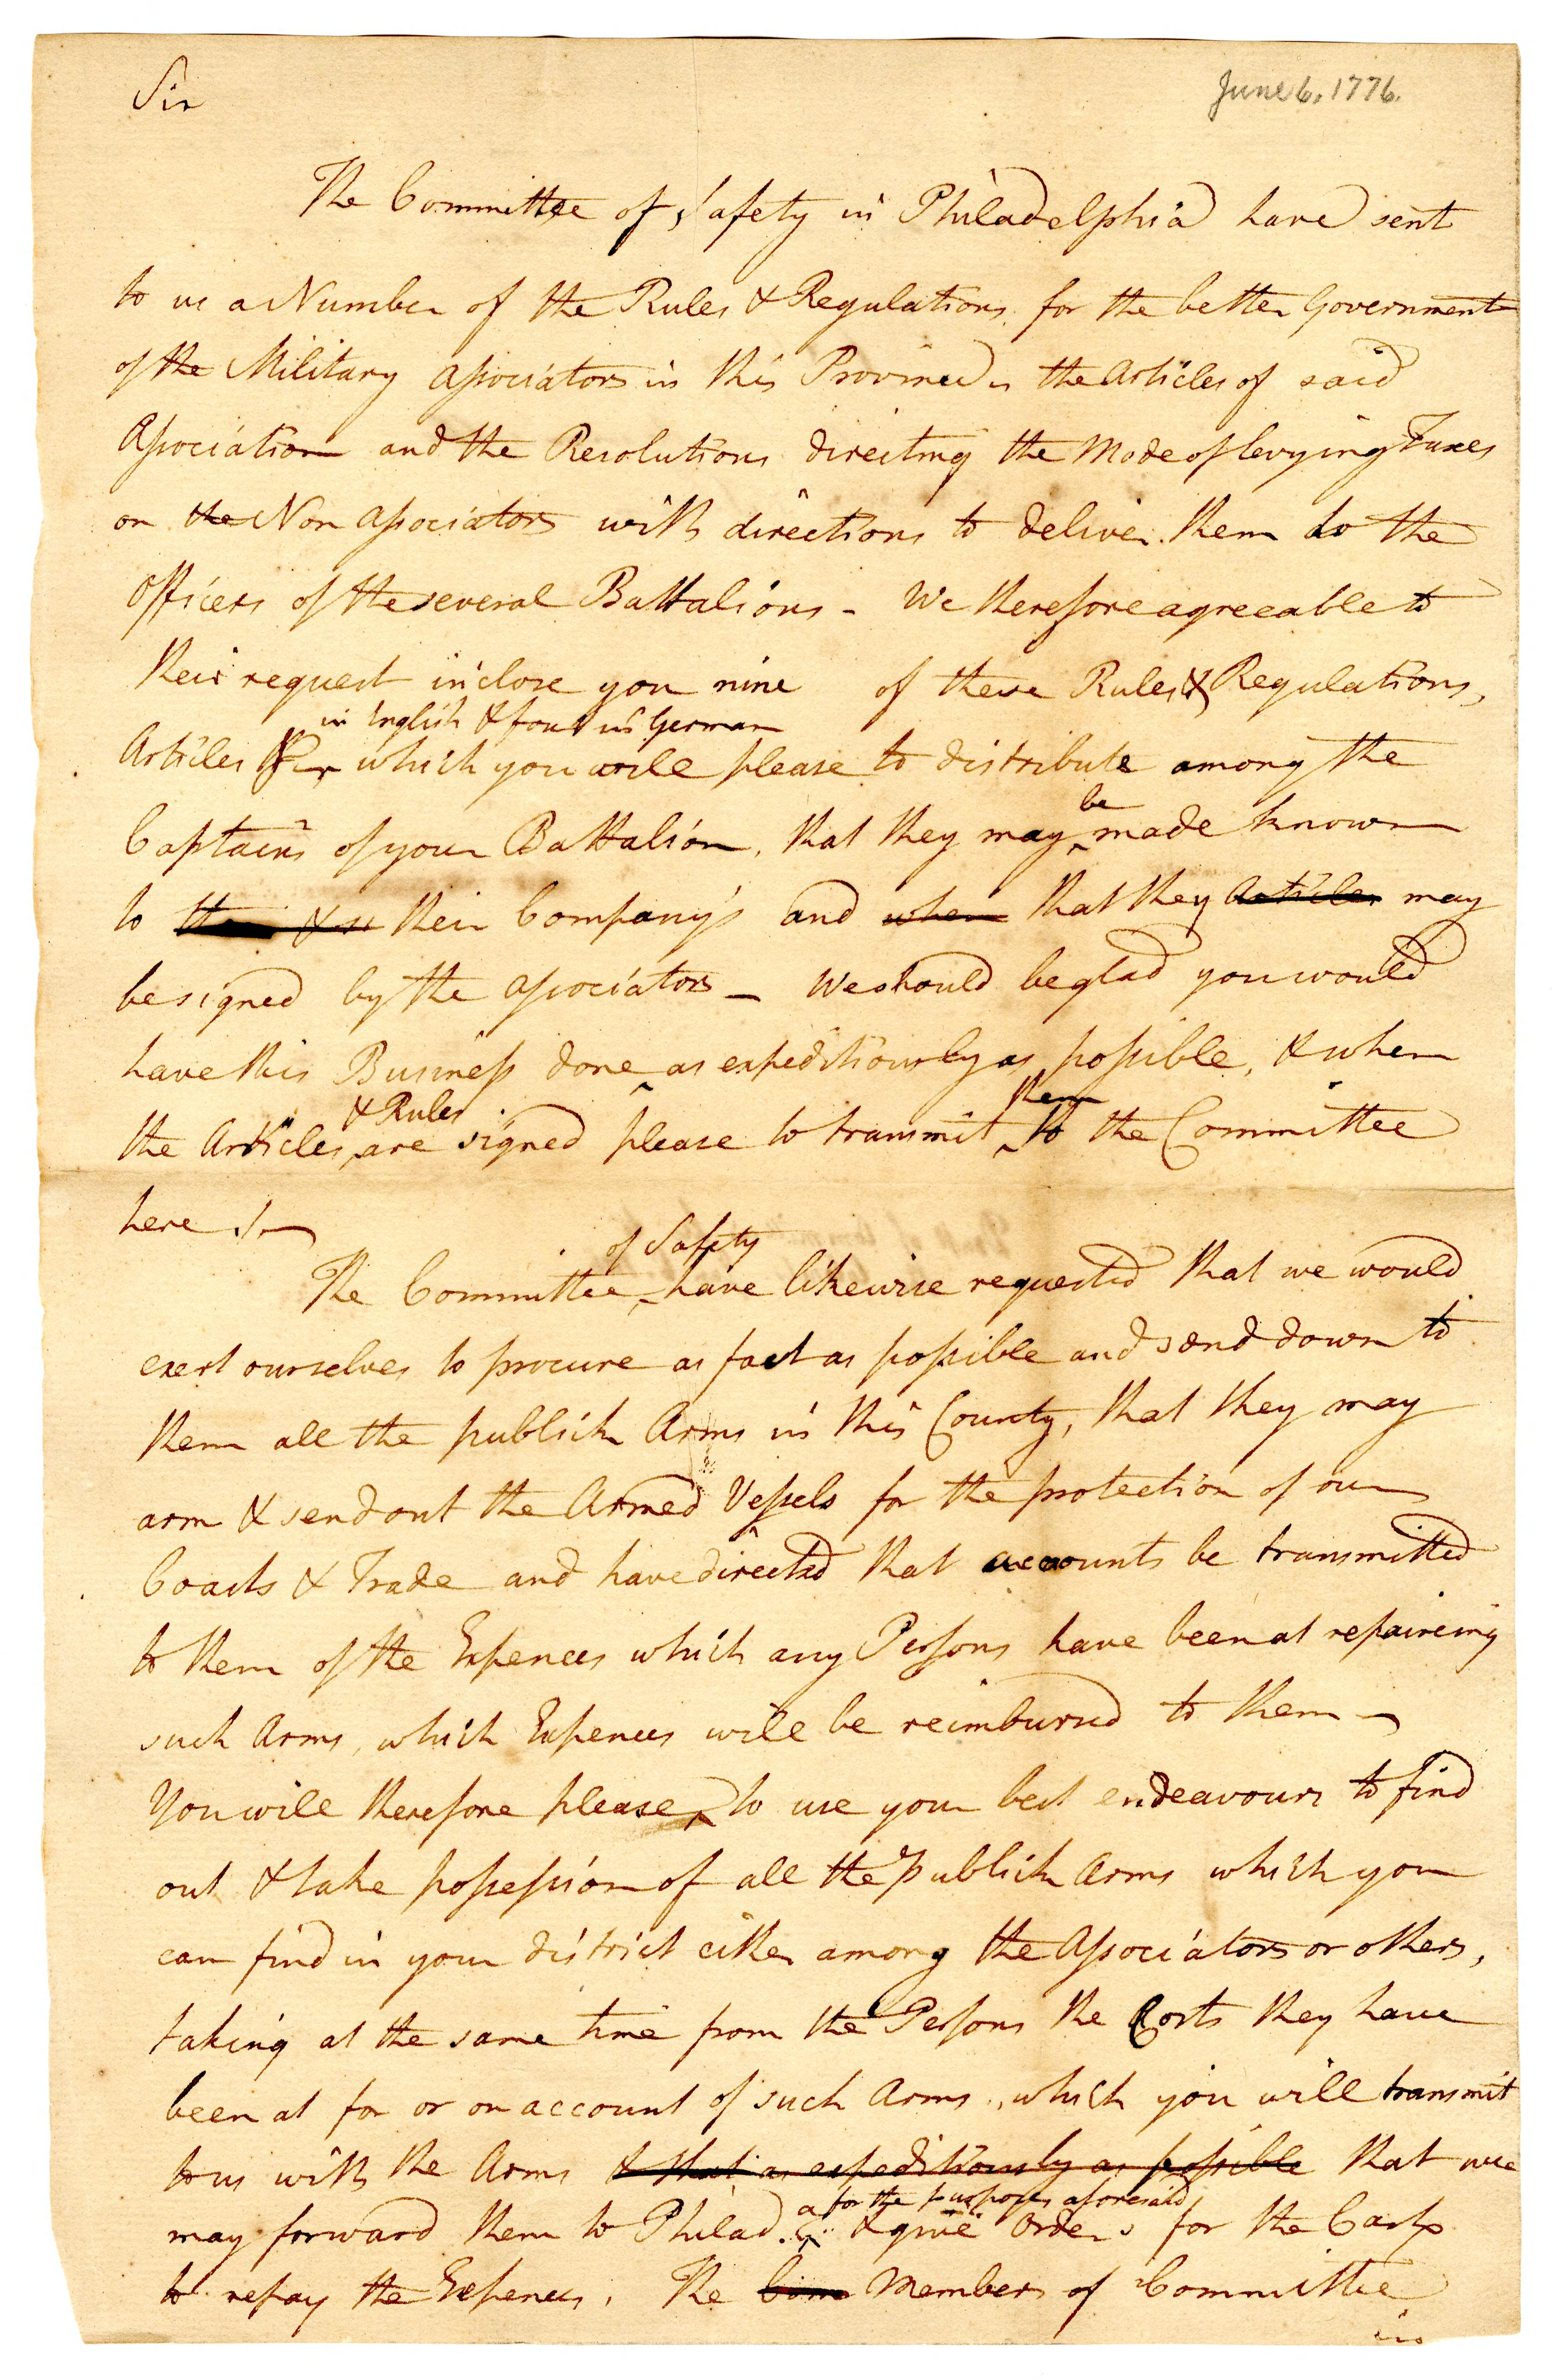Sir
The Committee of Safety in Philadelphia have sent
to us a Number of the Rules & Regulations for the better Government
of the Military associators in this Province. the Articles of said
Association and the Resolutions directing the Mode of levying Taxes
on the Non associators with directions to deliver them to the
Officers of the several Battalions. We therefore agreeable to
their request inclose you nine of these Rules & Regulations
in English & found German
Articles of which you will please to distribute among the
be
Captains of your Battalion, that they may ^ made known
to [them &] their Company's and [when] that they [Article] may
be signed by the associators. Weshould be glad you would
have this Business done as expeditiously as possible, & when
& Rules
them
the Articles ^ are signed please to transmit ^ to the Committee
herein
Safety
The Committee ^ have likewise requested that we would
exert ourselves to procure as fact as possible and send down to
tem all the publick Arms in this County, that they may
arm & send out the Armed Vessels for the protection of our
boats & Trade and have directed that accounts be transmitted
to them of the Expences which any Persons have been at repairing
such Arms, which Expences will be reimbursed to them.
You will therefore please to use you best endeavours to find
out & take possessson of all the publick Arms which you
can find in your district either among the Associators or others,
taking at the same time from the Persons the Costs they have
been at for or on account of such Arms, which you will transmit
to us with the Arms & that as expeditiously as possible that we
for the purposes aforesaid
may forward them to Philad^a. ^ & give orders for the Capt
to repay the Expences. The [___] Member of Committee